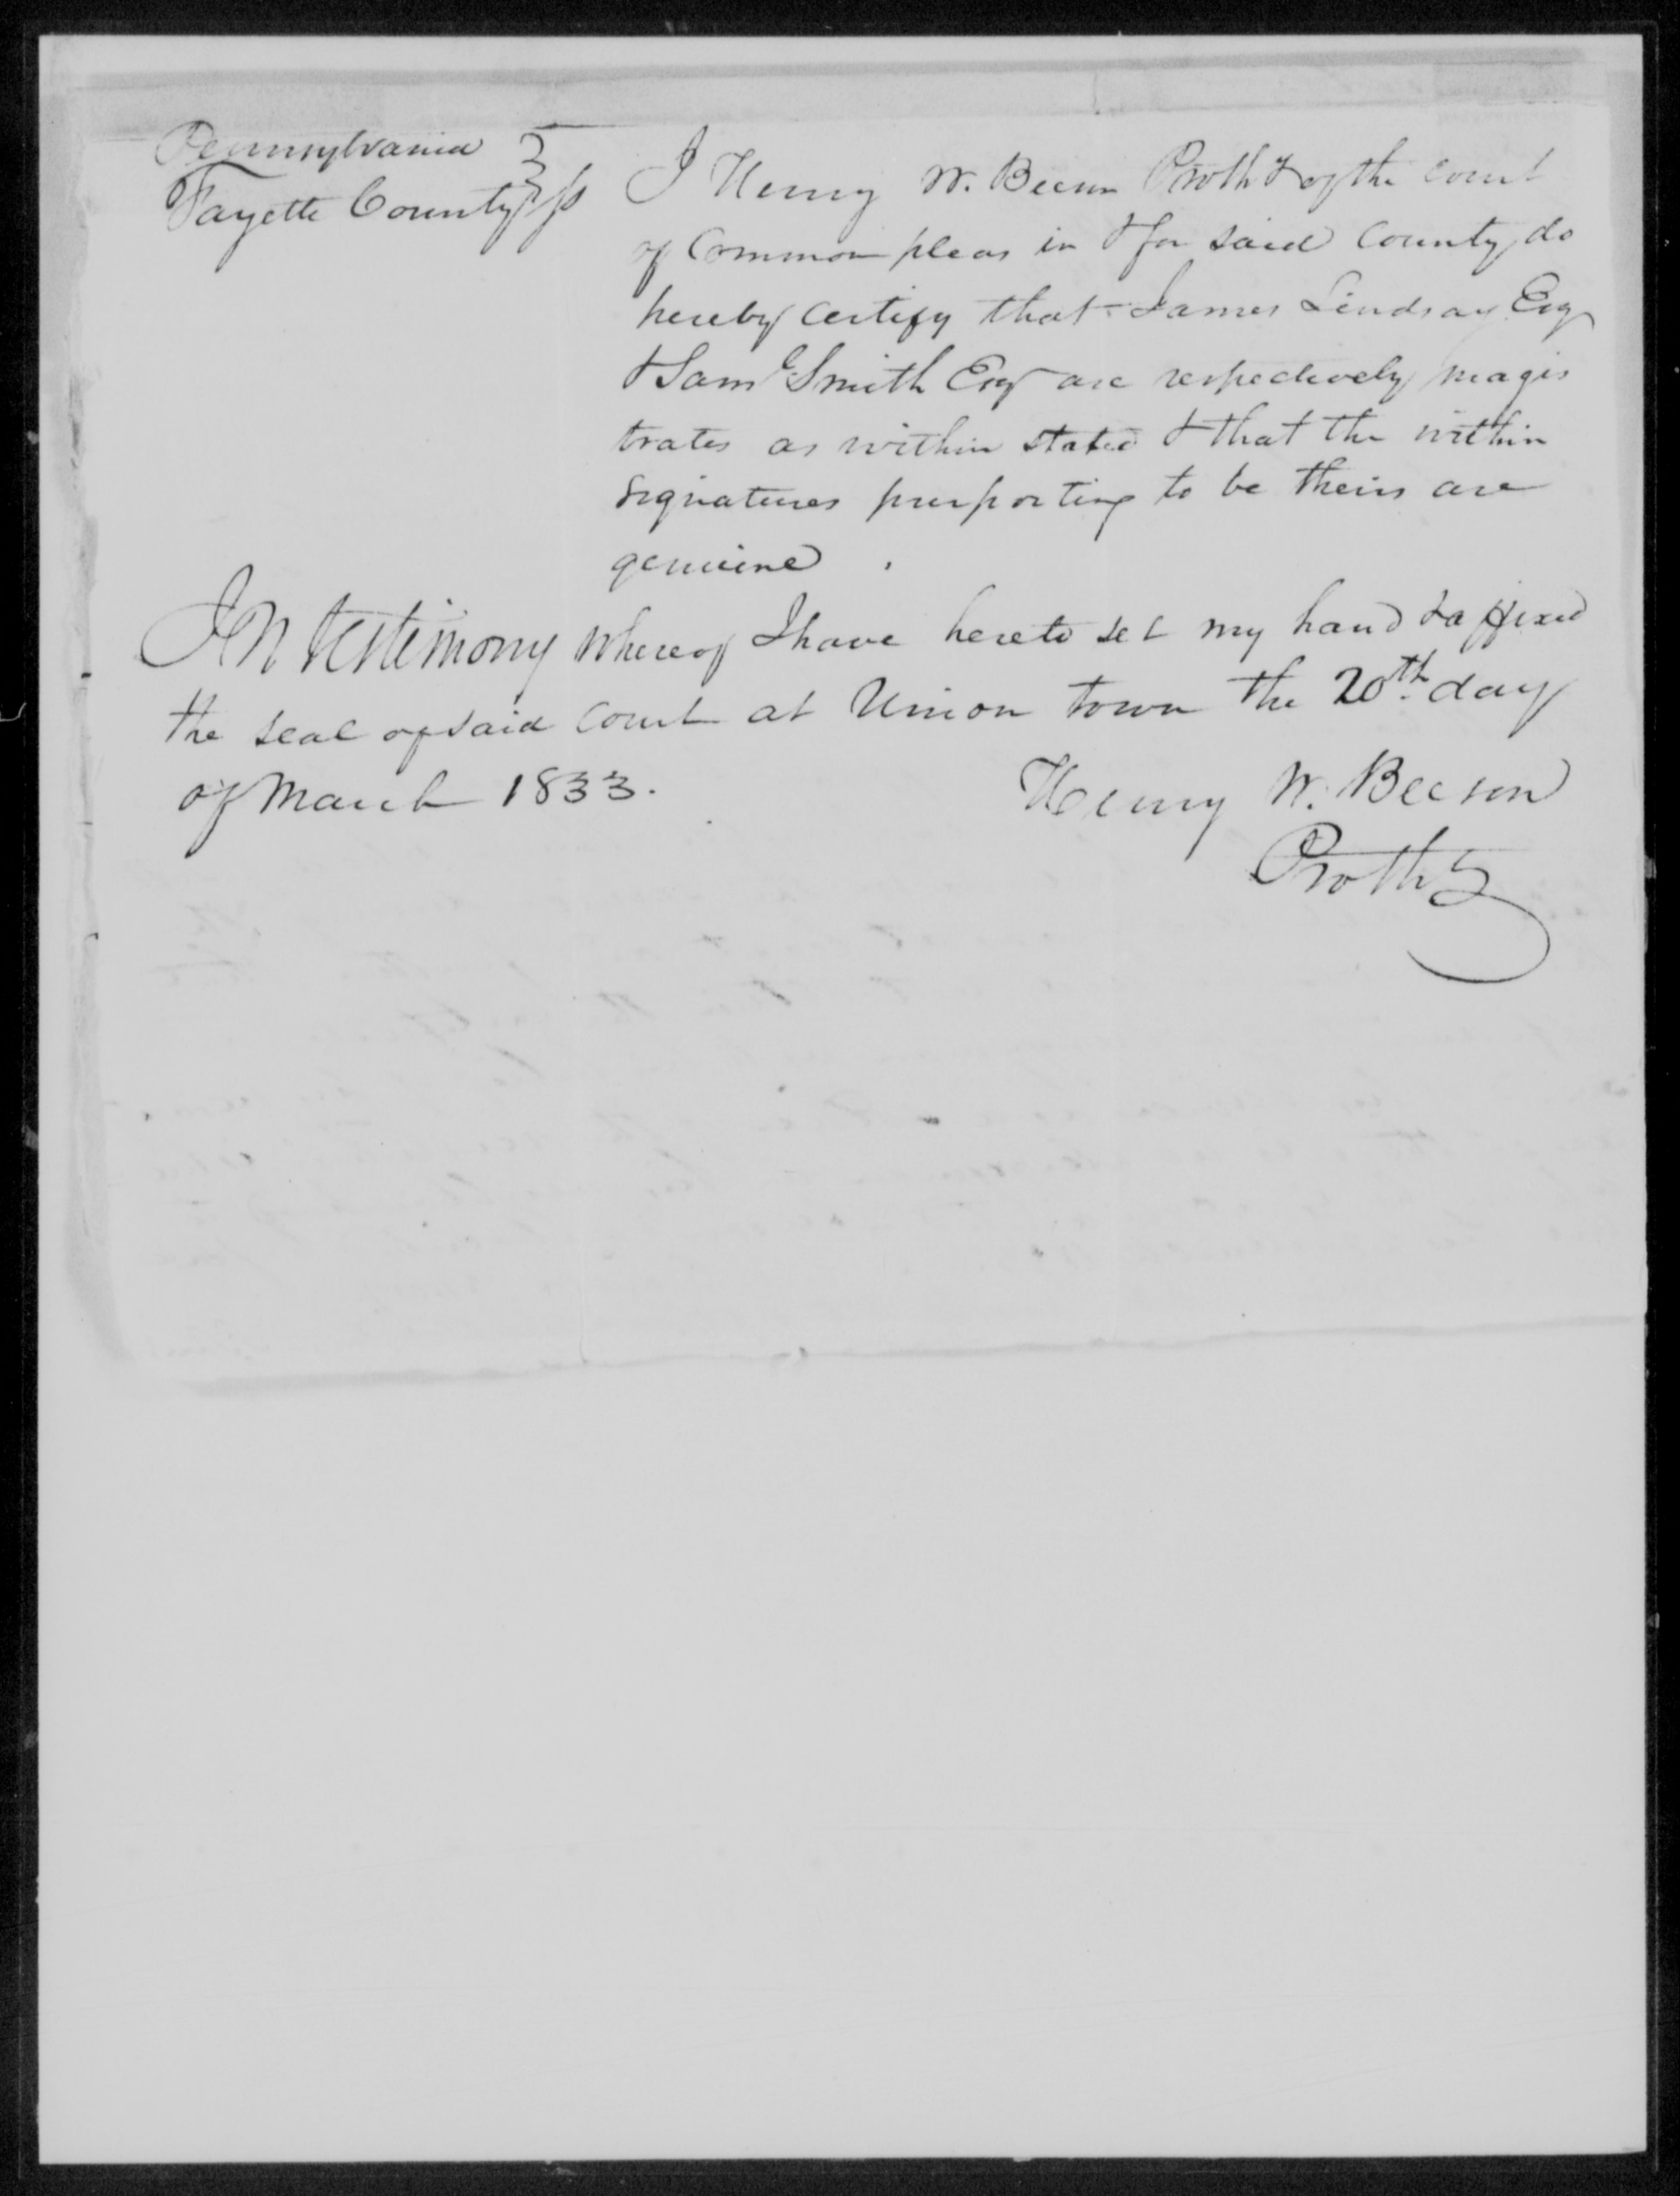Pennsylvania }
Fayette County }ss
I Henry W. Beeson Prothy of the court
of Common pleas in & for said County do
hereby certify that James Lindsay Esq
& Saml Smith Esq are respectively magistrates as within stated & that the within
Signatures purporting to be theirs are
genuine
In testimony whereof I have hereto set my hand & affixed
the seal of said Court at Union town the 20th day
of March 1833
Henry W. Beeson
Prothy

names: Henry W Beeson; James Lindsay; Henry W Beeson; Saml Smith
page: 22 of 28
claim: survivor's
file: S. 6229, for Reuben Thorp, New Jersey